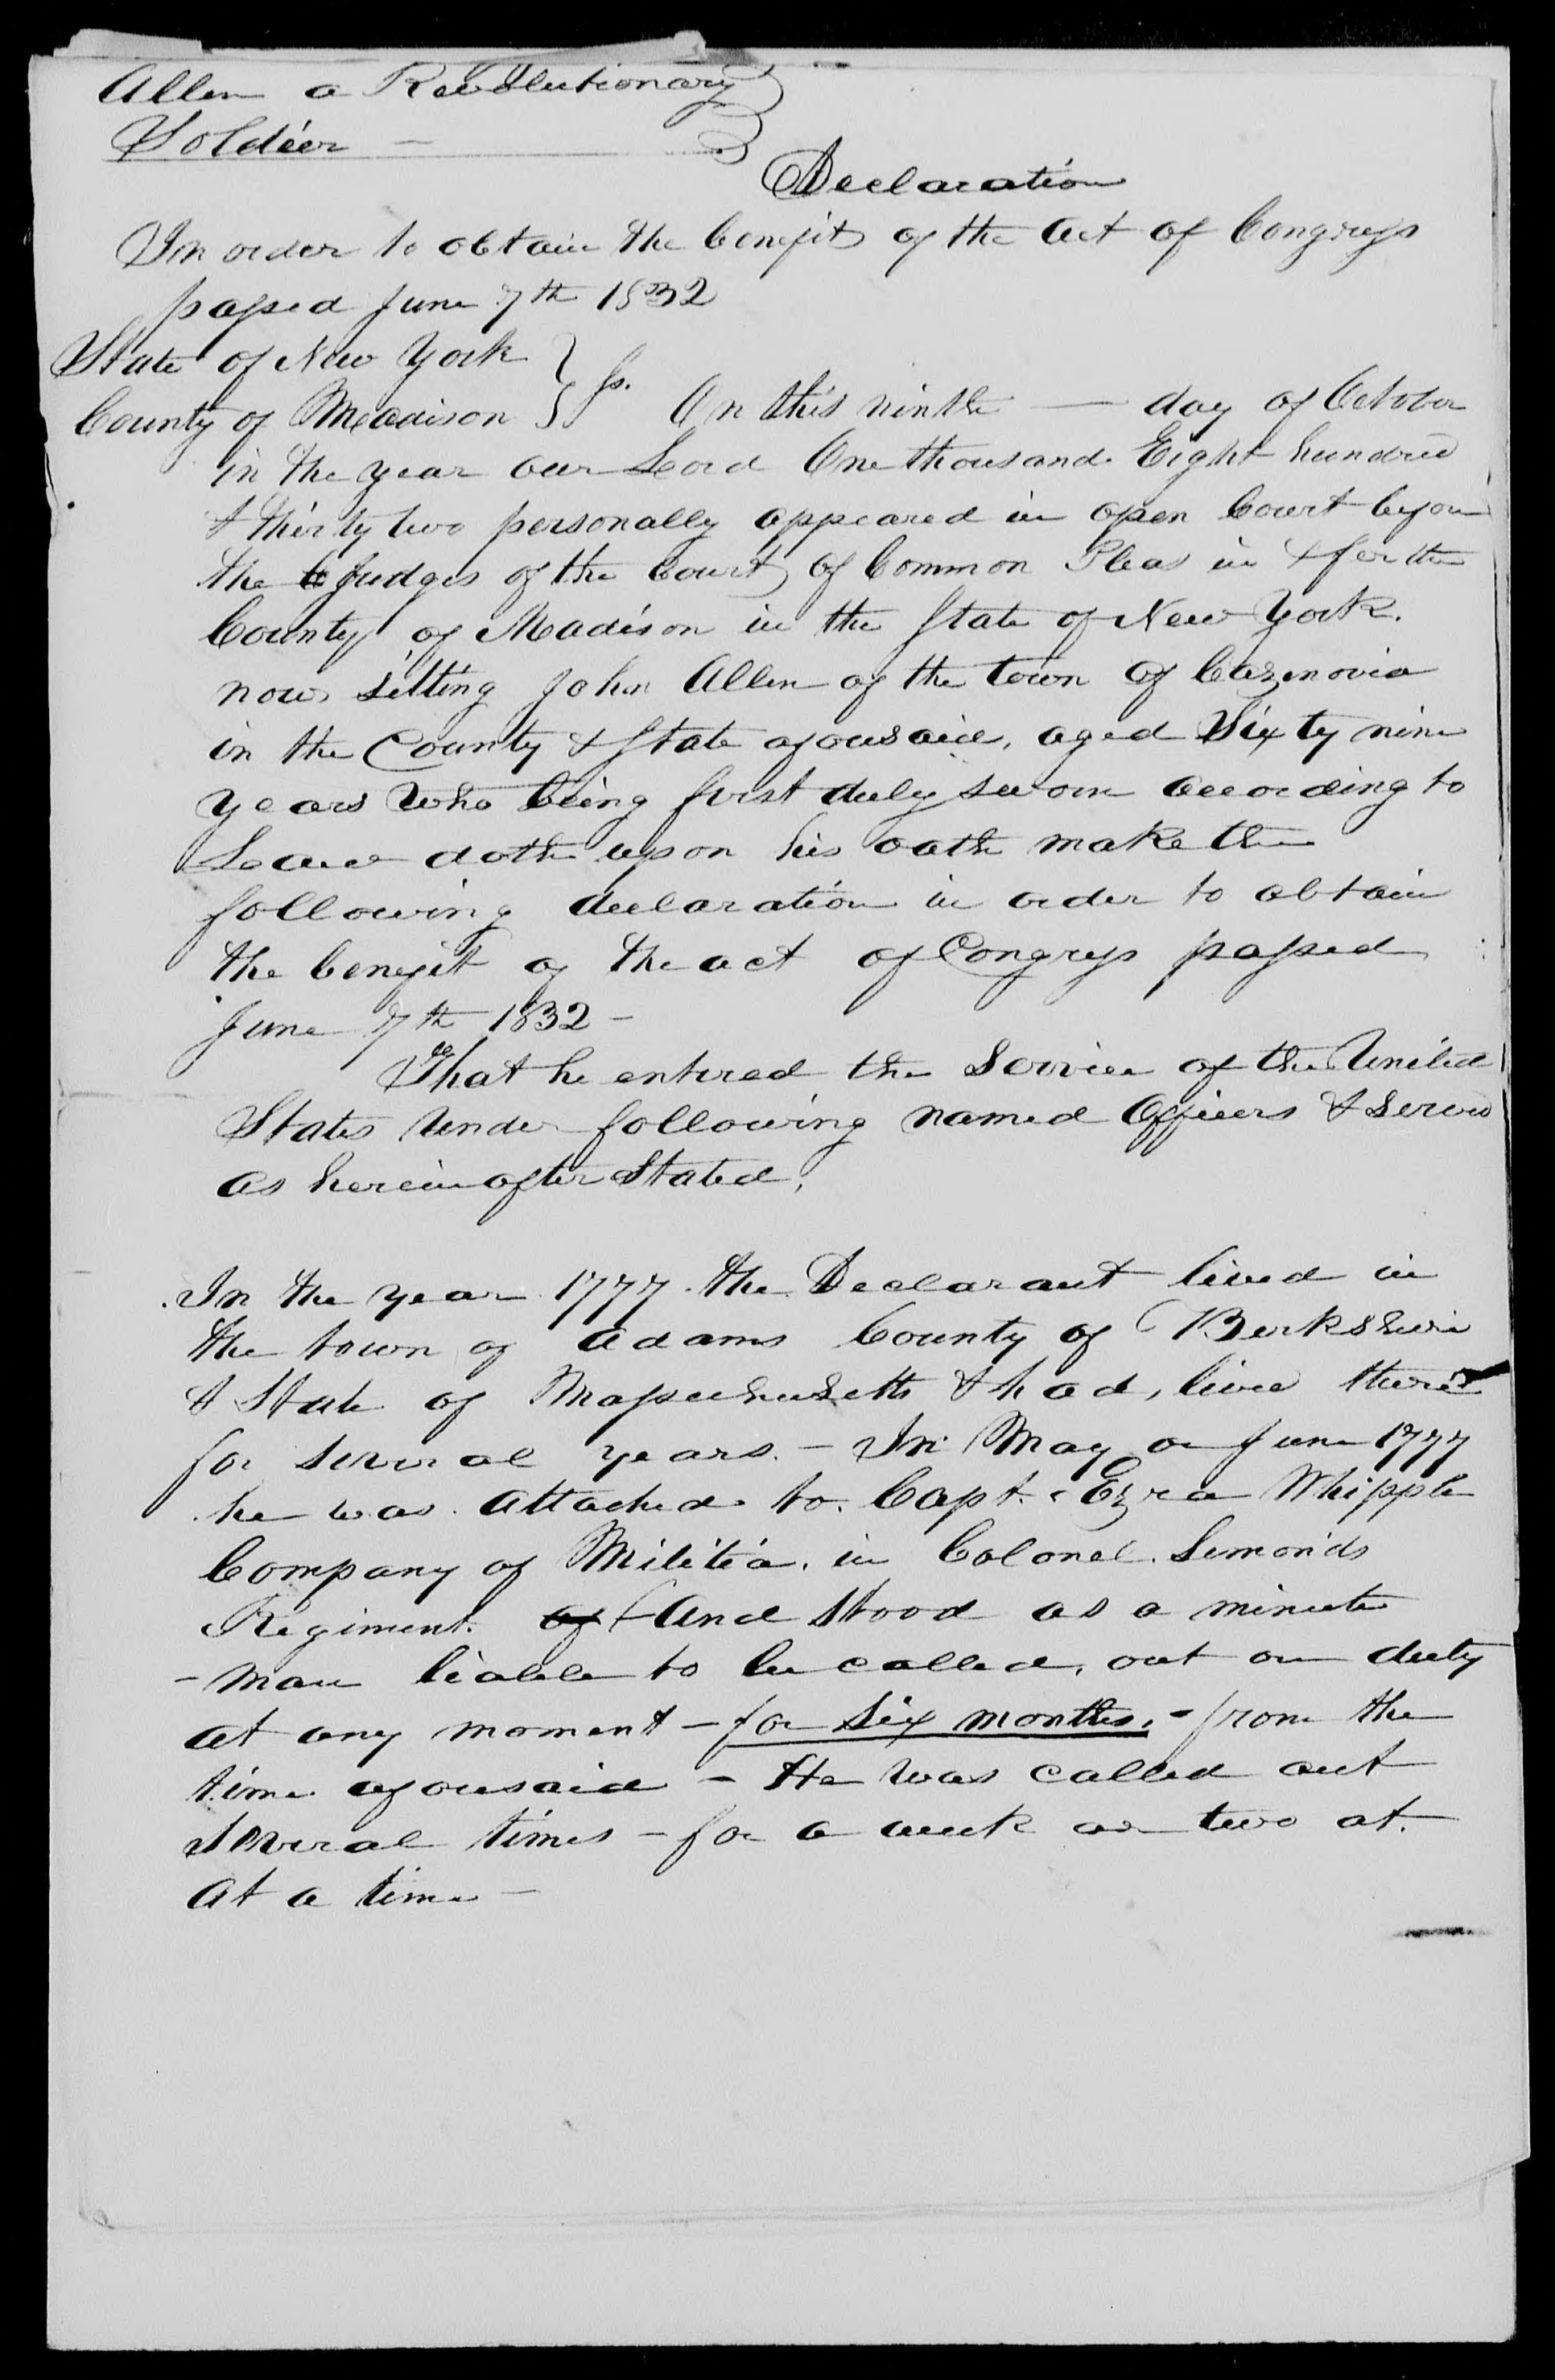Allen a Revolutionary Soldier|
Declaration
In order to obtain the benefits of the act of Congress passed June 7th 1832 
State of New York County of Madison} S.s. On this ninth day of October in the year our Lord One thousand Eight hundred thirty two personally appeared in open Court before the [crossed out illegible] Judges of the Court of Common Pleas in & for the County of Madison in the State of New York. now sitting John Allen of the town of Cazenovia in the County & State aforesaid, aged Sixty nine years who being first duly sworn according to Law doth upon his oath make the following declaration in order to obtain the benefit of the act of Congress passed June 7th 1832 – 
That he entered the service of the United States under following named Officers & served as herein after stated.
In the year 1777 the declarant lived in the town of Adams County of Berkshire State of Massachusetts & had, lived there for several years. - In May or June 1777 he was attached to Capt. Ezra Whipple Company of Militia in Colonel Simonds Regiment [of is crossed out] and stood as a minuteman liable to be called out on duty at any moment - for six months. [underlined] -  from the time aforesaid - He was called out Several times-- for a week or two at at [sic] a time -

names: John Allen, Allen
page: 6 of 74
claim: widow's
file: W. 23424, John Allen, Mass. R. I.